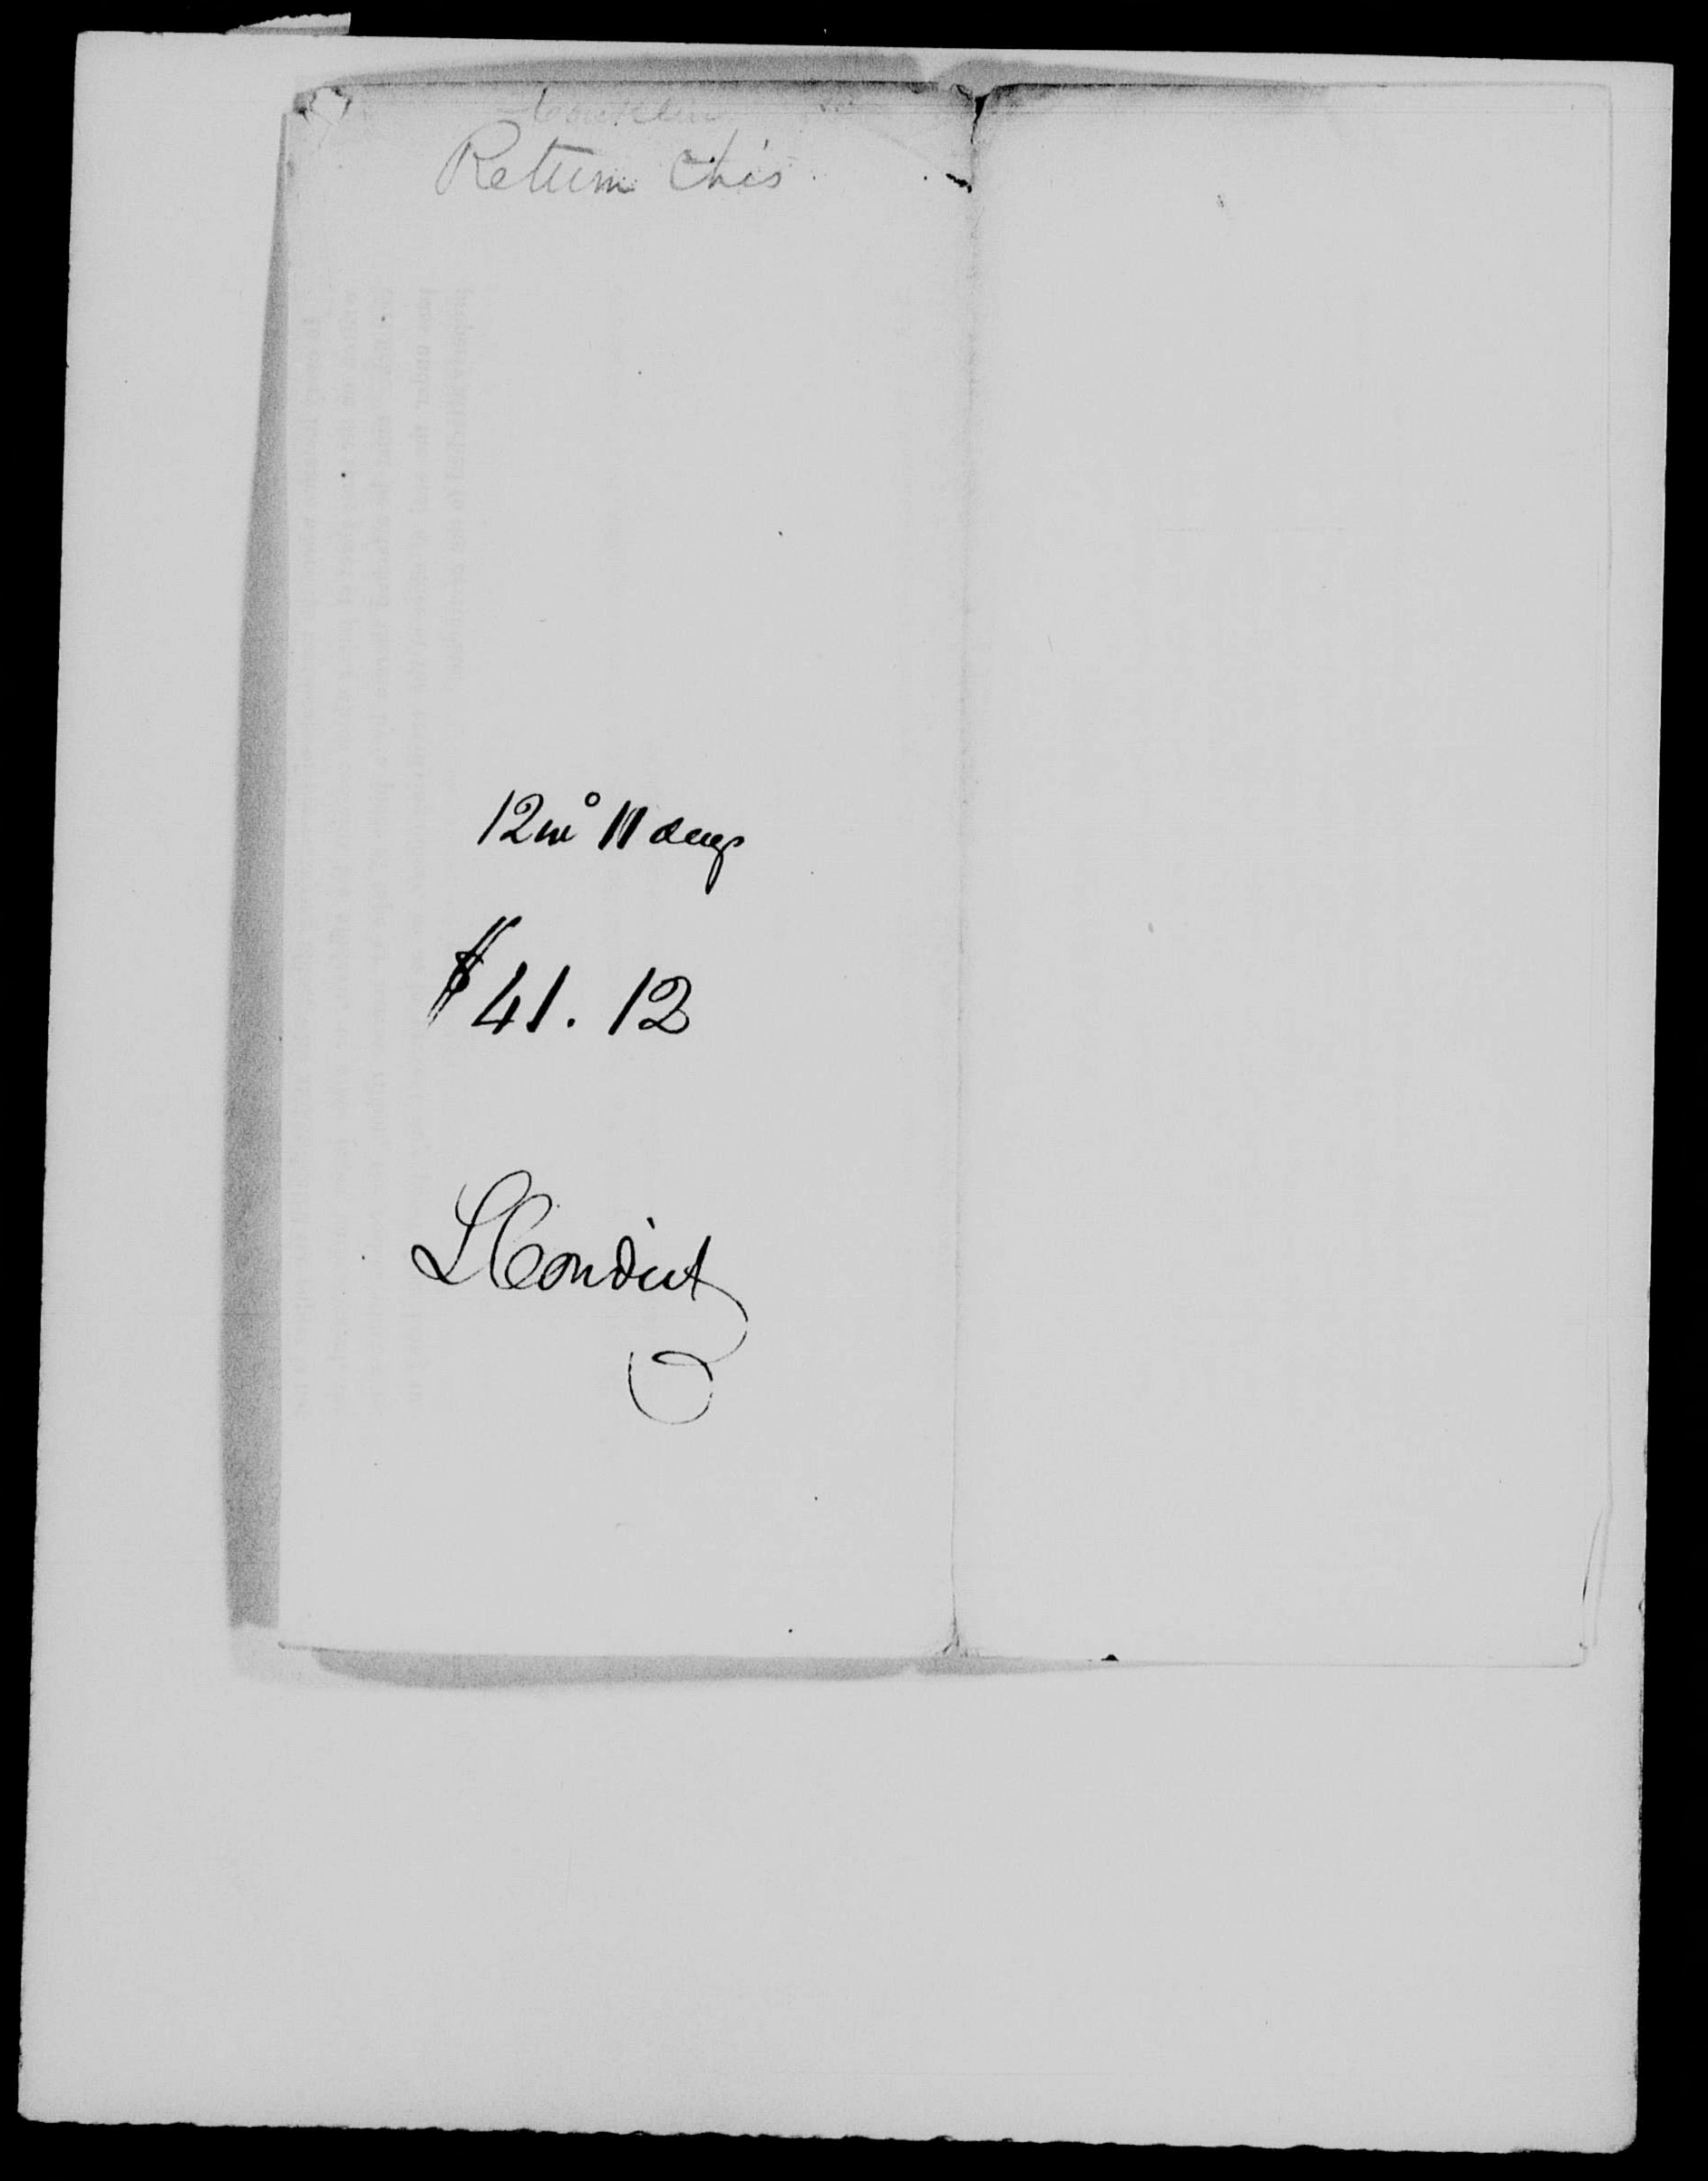Return this

12w 11 days
$41. 12

s/ L Condict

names: L Condict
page: 25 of 28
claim: survivor's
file: S 2464, John Conklin, New Jersey